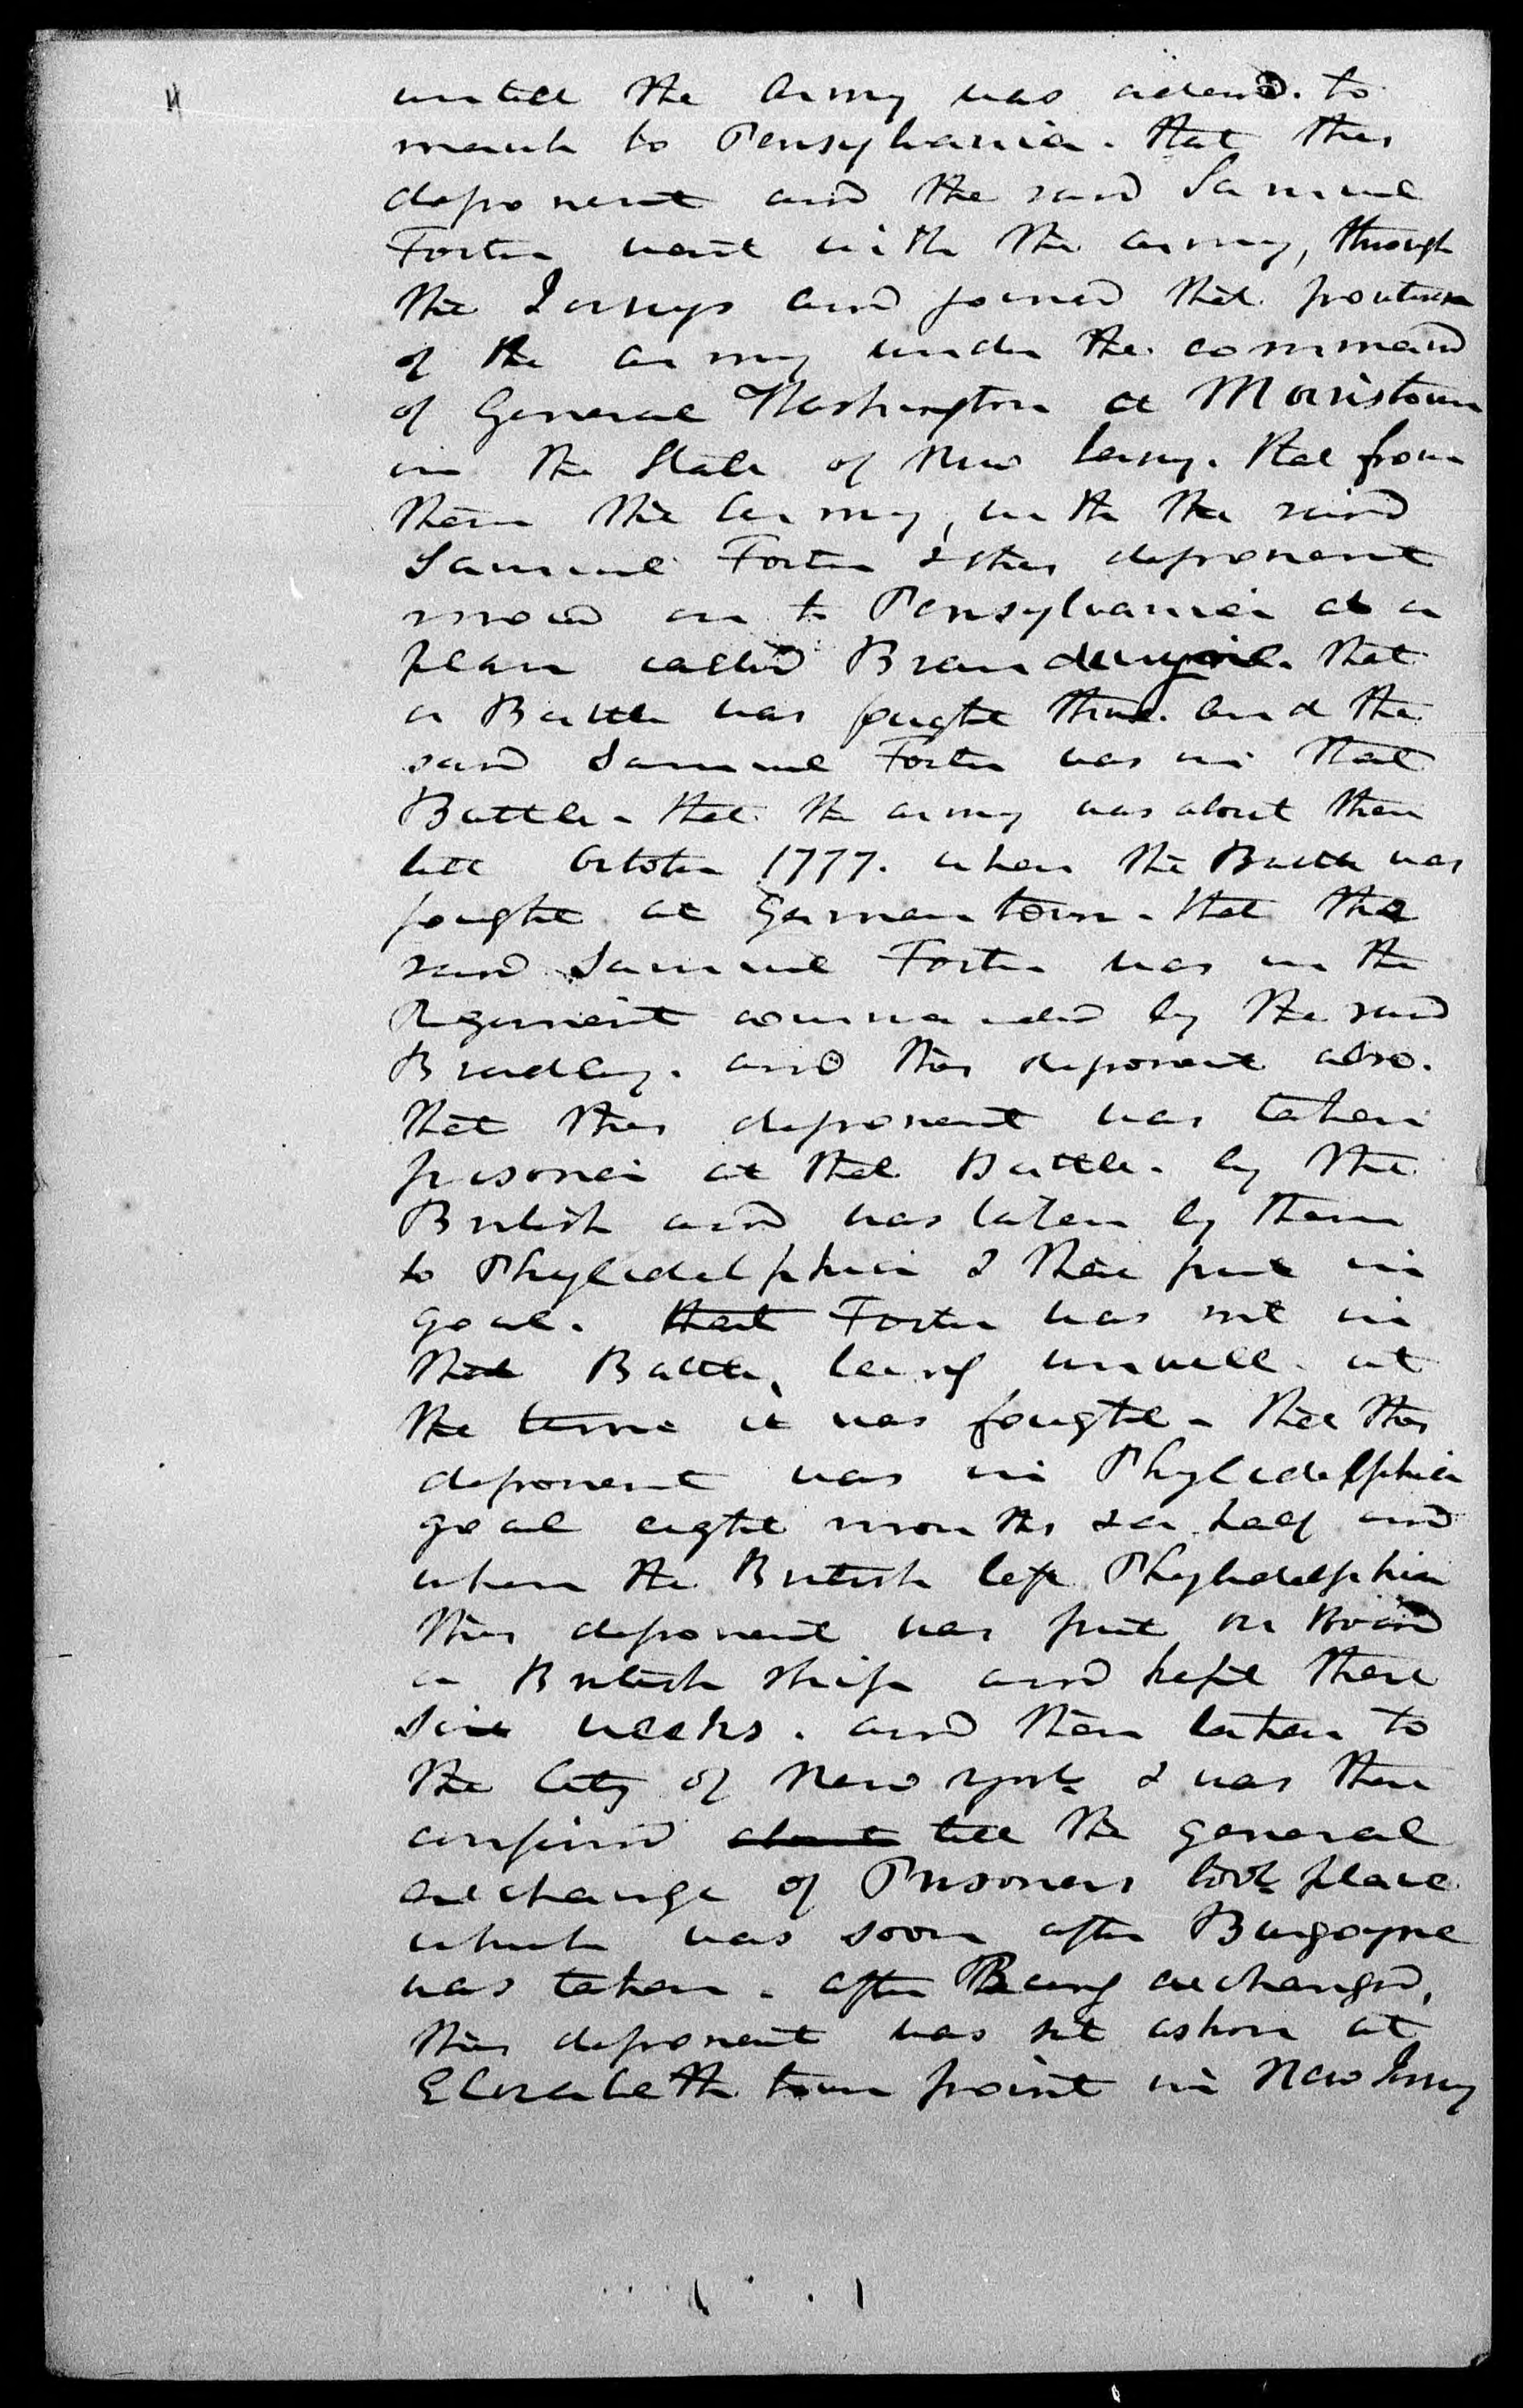4
until the Army was asked to march to Pennsylvania. that this deponent and the said Samuel Foster went with the army, through the [illegible] and joined that [illegible] of the army under the command of General Washington at Morristown in the State of New Jersey. that from there the army, with the said Samuel Foster & then deponent moved on to Pensylvania at a place called Brandywine. that a Battle was fought there late October 1777. when the Battle was fought at Germantown, that the said Samuel Foster was in the Regiment commanded by the said Bradley. and this deponent also. that this deponent was taken prisoner at that Battle by the British and was taken by them to Phyledelphia & there put in goal. that Foster was not in that Battle, being unwell at the time it was fought. that the deponent was in Phyledelphia goal eight months & a half and when the British left Phyledelphia this deponent was put on [illegible] in British [illegible] and kept there six weeks.  and then [illegible] to the City of New York & was there confined [word crossed out] till the general exchange of Prisoners took place which was soon after Burgoyne was taken. after Being exchanged, this deponent was not ashore at Elizabeth town point in New Jersey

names: Burgoyne, Samuel Foster, Foster, Samul Foster, Samuel Foster, Washington, Samuel Foster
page: 35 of 54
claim: survivor's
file: S. 13,043, Samuel Foster, Conn.